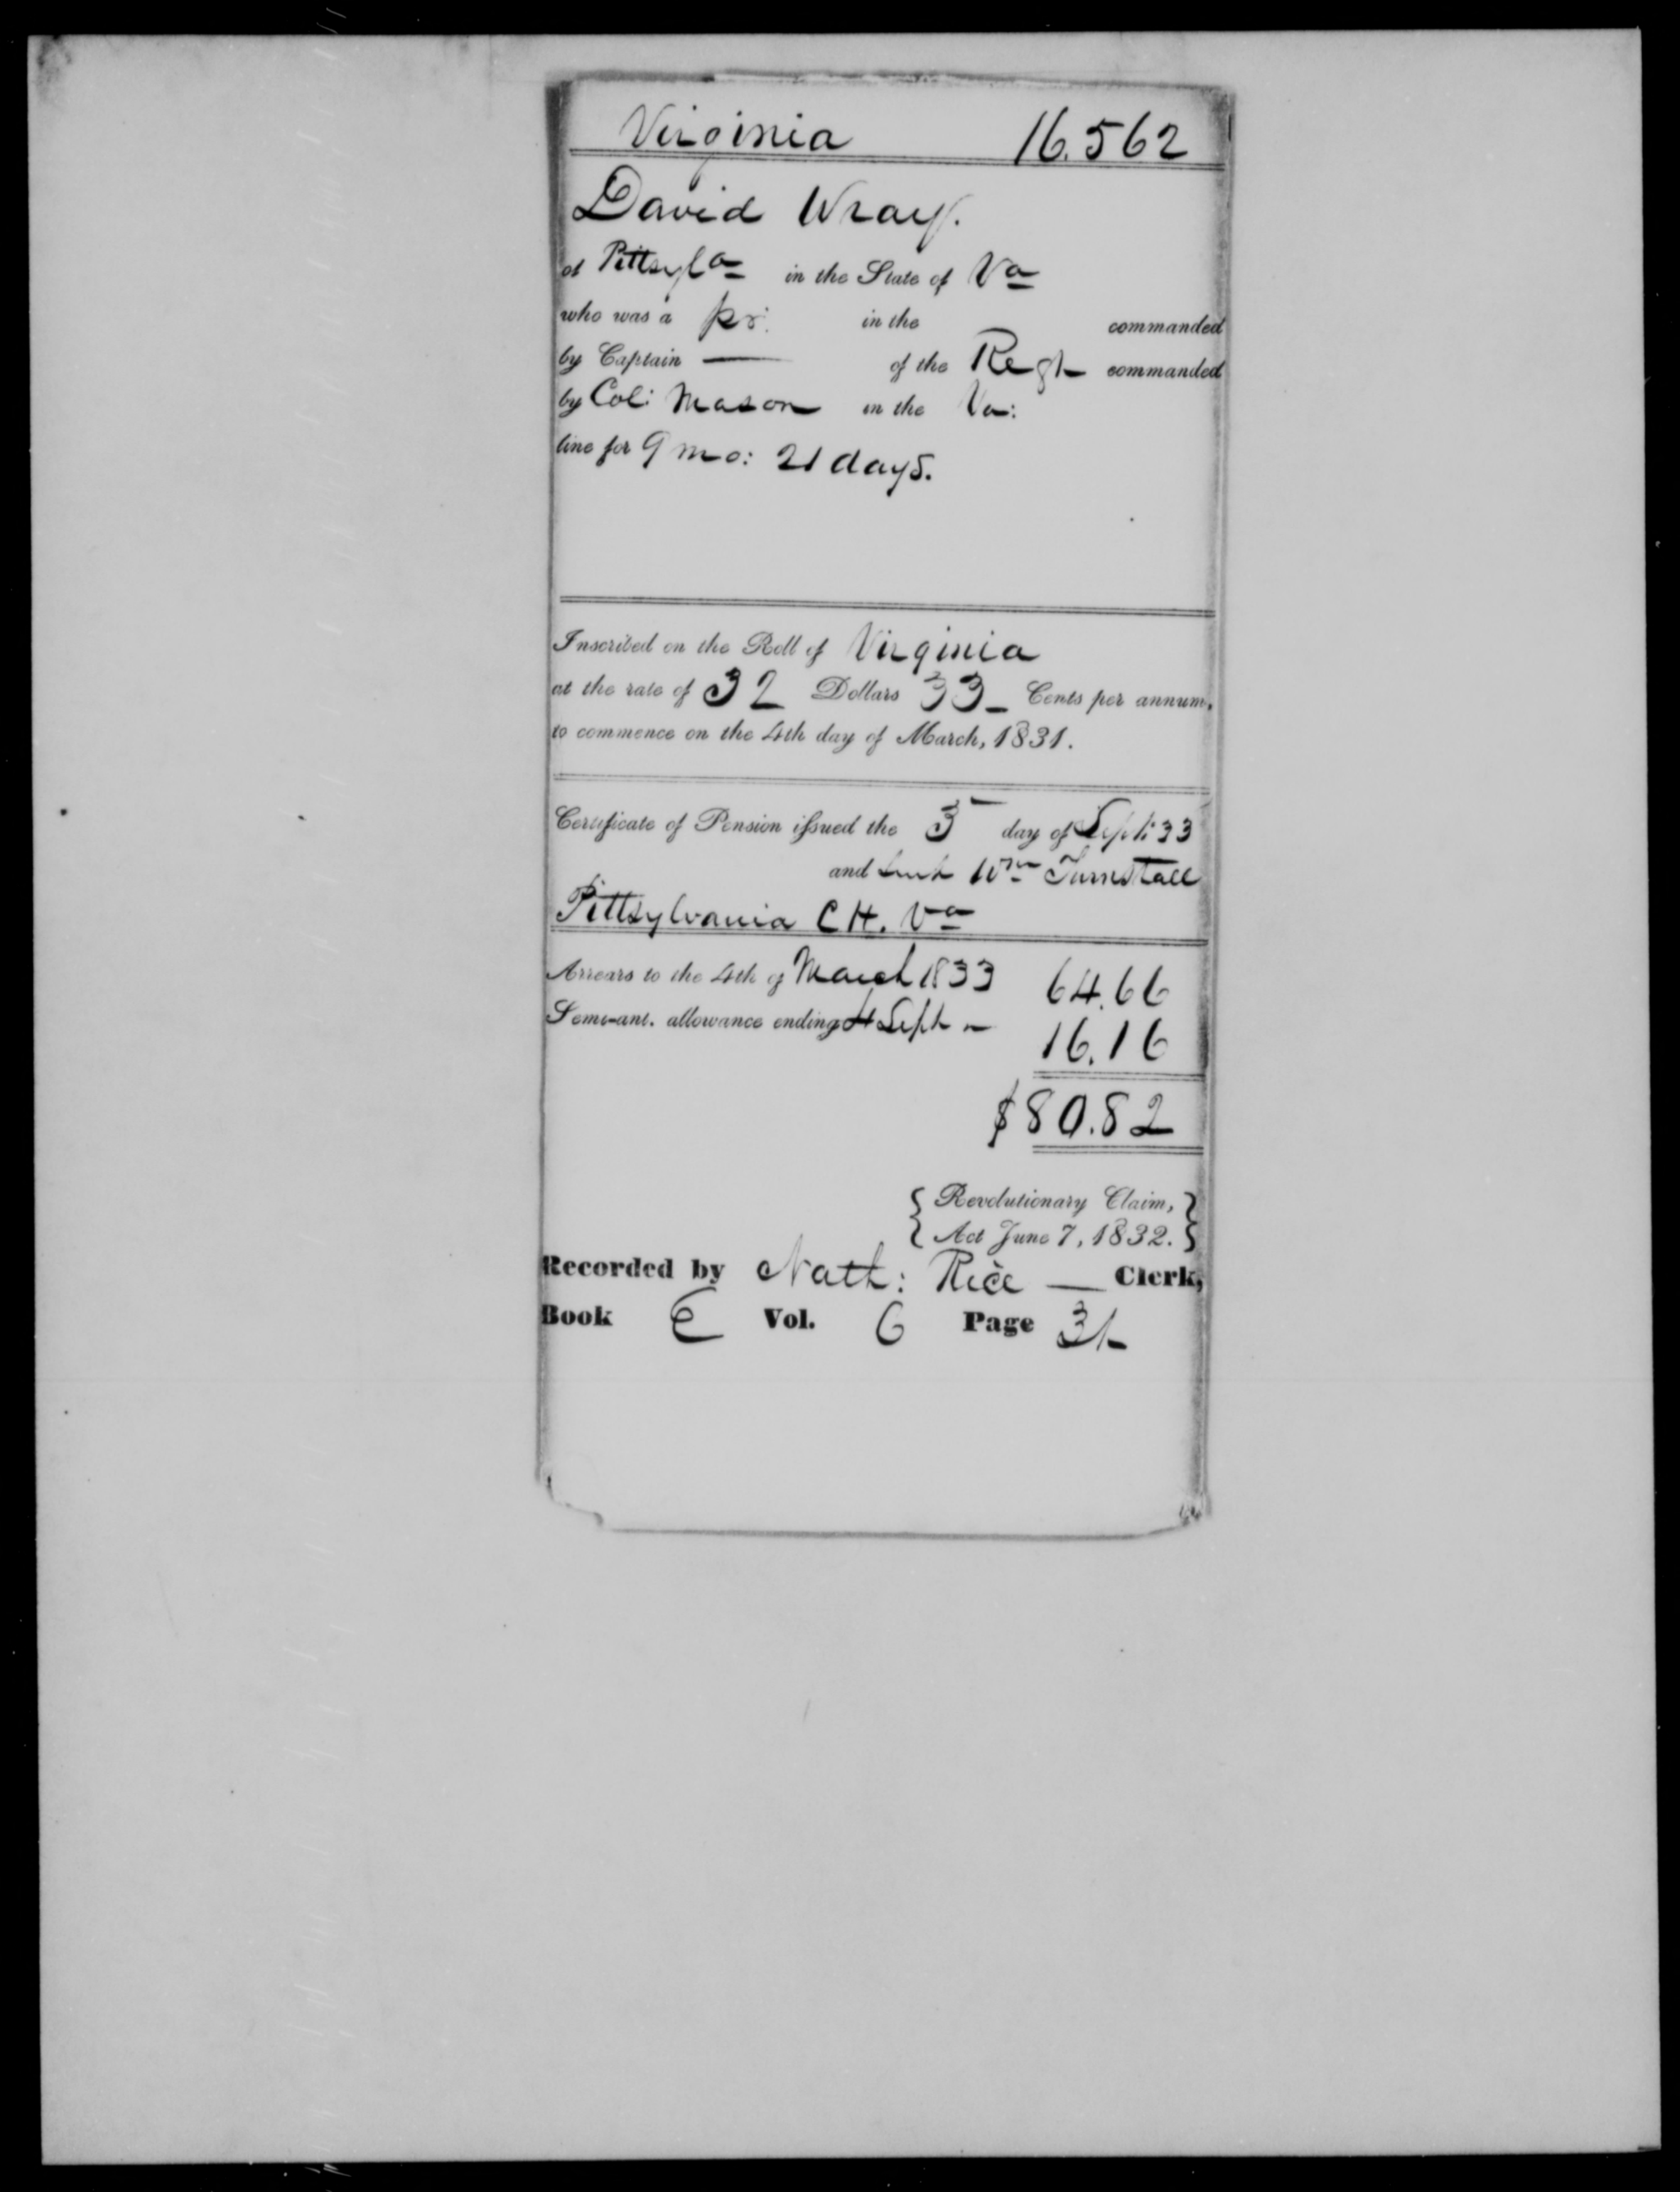[typed form, with handwritten response]

Virginia 16.562
David Wray
of Pittsyla in the State of Va
who was a pr: [blank] in the [blank] commanded
by Captain - of the Regh commanded
by Col: Mason in the Va:
line for 9 mo: 21 days.

Inscribed on the Roll of Virginia
at the rate of 32 Dollars 33_ Cents per annum
to commence on the 4th day of March, 1831.

Certificate of Pension issued the 3 day of Sept [???]
and [???] Wa Turnstall
Pittsylvania Clt. Wa

Arrears to the 4th of March 1833       64.66
Semi-anl. allowance ending 4 Sept    16.16
                                                           $80.82
                                        Revolutionary Claim,
                                           Act June 7, 1832.
Recorded by Nath: Rice _ Clerk,
Book E Vol. 6 Page 31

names: Nath Rice, David Wray, Wm Turnstall, Mason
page: 2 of 19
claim: survivor's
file: S. 7,973, David Wray, Va.